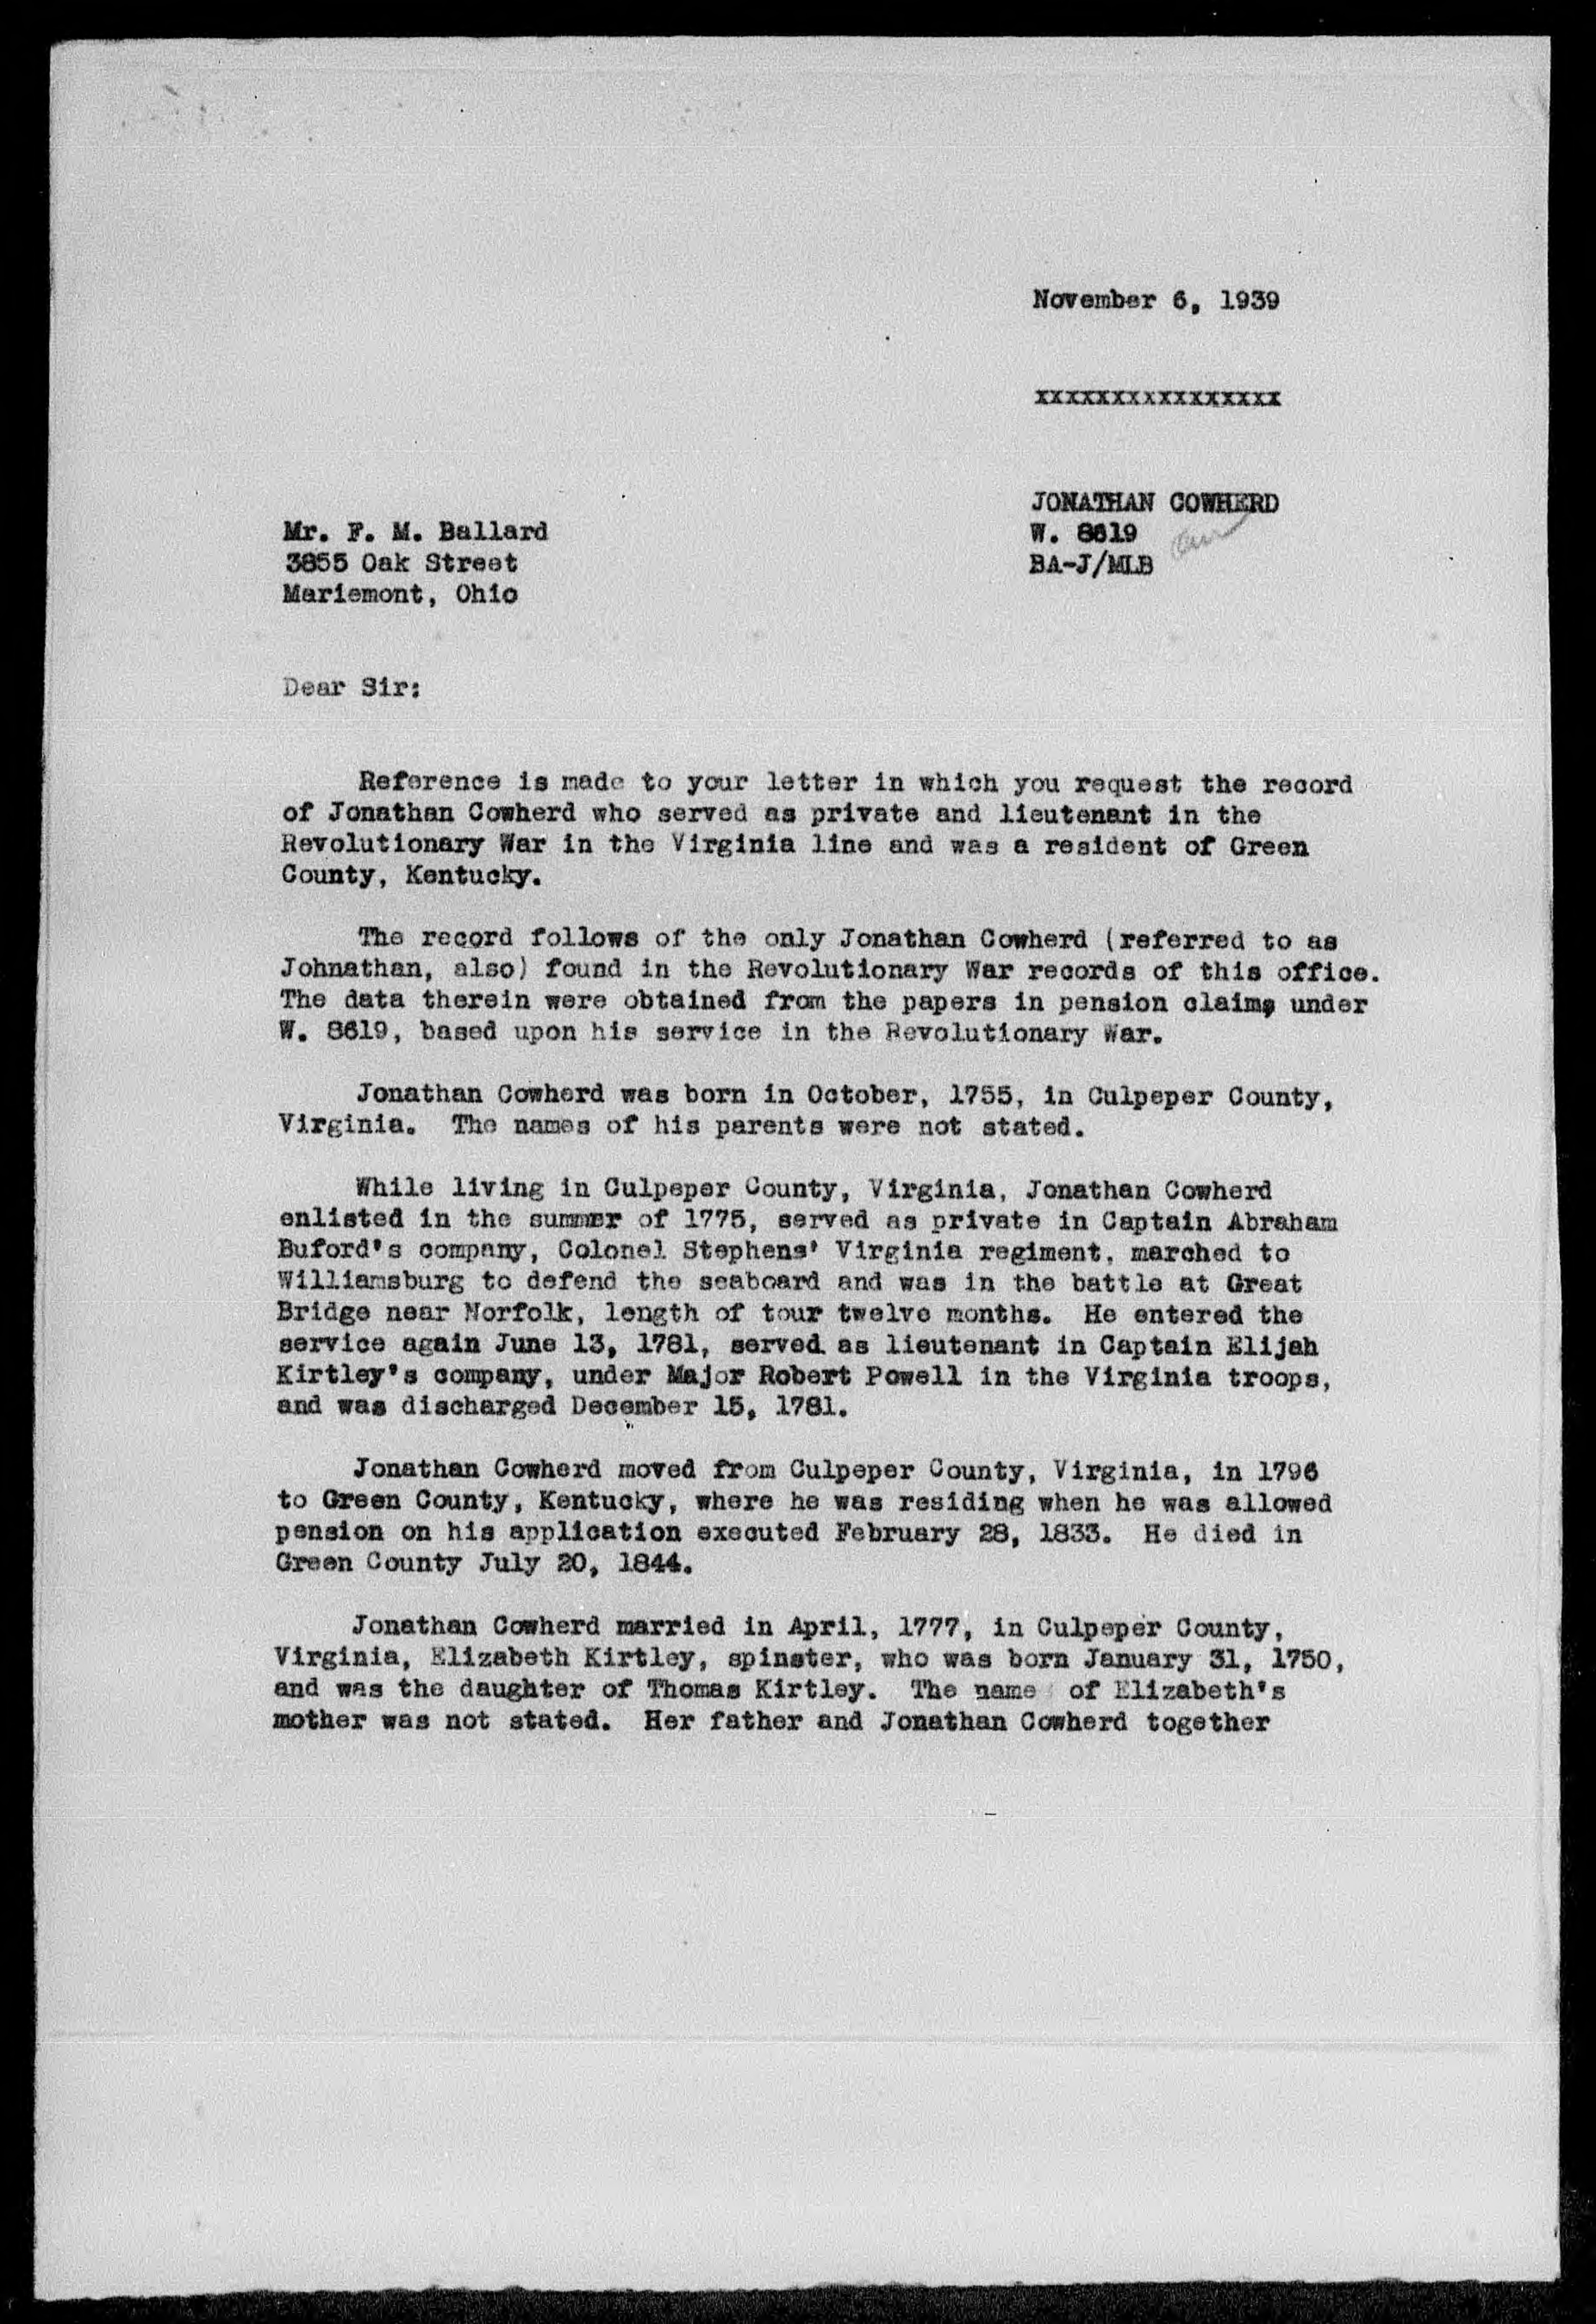November 6, 1939
XXXXXXXXXXX
W. 6819
JONATHAN COWHERD
BA-J/MLB

Mr. F. M. Ballard
3855 Oak Street
Mariemont, Ohio

Dear Sir:

Reference is made to your letter in which you request the record
of Jonathan Cowherd who served as private and lieutenant in the
Revolutionary War in the Virginia line and was a resident of Green
County, Kentucky,
The record follows of the only Jonathan Cowherd (referred to as
Johnathan, also) found in the Revolutionary War records of this office.
The data therein were obtained from the papers in pension claims under
W. 8619, based upon his service in the Revolutionary War.
Jonathan Cowherd was born in October, 1755, in Culpeper County,
Virginia. The names of his parents were not stated.
While living in Culpeper County, Virginia, Jonathan Cowherd
enlisted in the summer of 1775, served as private in Captain Abraham
Buford's company, Colonel Stephens' Virginia regiment, marched to
Williamsburg to defend the seaboard and was in the battle at Great
Bridge near Norfolk, length of tour twelve months. He entered the
service again June 13, 1781, served as lieutenant in Captain Elijah
Kirtley's company, under Major Robert Powell in the Virginia troops,
and was discharged December 15, 1781.
Jonathan Cowherd moved from Culpeper County, Virginia, in 1796
to Green County, Kentucky, where he was residing when he was allowed
pension on his application executed February 28, 1833. He died in
Green County July 20, 1844.
Jonathan Cowherd married in April, 1777, in Culpeper County, Virginia, Virginia, Elizabeth Kirtley, spinster, who was born January 31, 1750, and was the daughter of Thomas Kirtley. The name of Elizabeth's mother was not stated. Her father and Jonathan Cowherd together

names: Jonathan Cowherd, Elizabeth Kirtley, Jonathan Cowherd, Jonathan Cowherd, Jonathan Cowherd, Robert Powell, Thomas Kirtley, Jonathan Cowherd, Jonathan Cowherd, Jonathan Cowherd, F M Ballard, Jonathan Cowherd, Elizabeth, Jonathan Cowherd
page: 16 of 46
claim: widow's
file: W 8619, Jonathan Cowherd, Va.